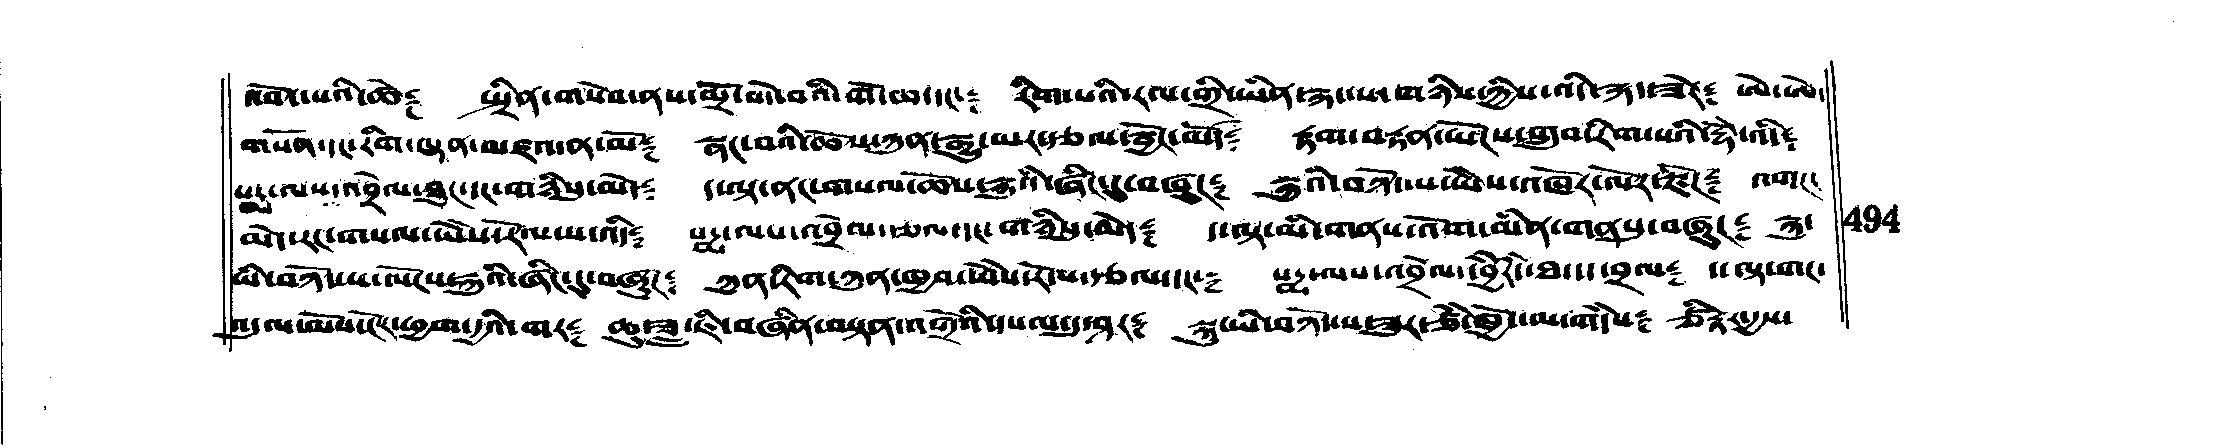འབོད་པའི་ཚེ། སྤྲིན་གསེབ་ནས་མཁའ་འགྲོ་བདེ་བའི་གོ་ཆ་དང་། རིག་པའི་རལ་གྲི་ཡིན་སྐད་པ་གཉིས་ཀྱིས་འདི་སྐད་ཟེར། ཨེ་ཨེ་
གསོན་དང་རིགས་ལྡན་མཛའ་ན་མོ། །སྣང་བའི་ཆོས་ཀུན་སྒྱུ་མར་རྩལ་སྦྱོང་མཛོད། །རྟག་བརྟན་ཡོངས་གྲུབ་རིག་པའི་རྡོ་རྗེ་འདི། །
པདྨ་ལས་འབྲེལ་ཐུགས་དང་གཉིས་སུ་མེད། །ད་ལྟ་ནང་གསལ་ཆོས་སྐུའི་ཞིང་དུ་བཞུགས། །སྐུའི་བཀོད་པ་ཡེ་ཤེས་འཁོར་ལོར་རྫོགས། །འགགས་
མེད་རང་གསལ་ཡེ་ཤེས་རོལ་པ་འདི། །པདྨ་ལས་འབྲེལ་རྩལ་དང་གཉིས་སུ་མེད། །ད་ལྟ་མི་གནས་འོག་མིན་གནས་སུ་བཞུགས། །སྐུ་
ཡི་བཀོད་པ་ལོངས་སྐུའི་ཞིང་དུ་བཞུགས། །ཀུན་རིག་ཀུན་ཁྱབ་ཡེ་ཤེས་རོལ་རྩལ་དང་། །པདྨ་ལས་འབྲེལ་དབྱེར་མེད་ཐ་དད་བྲལ། །ད་ལྟ་གང་
འདུལ་མོས་ངོར་ཕྱག་རྒྱའི་གར། །ཆུ་ཟླ་ཇི་བཞིན་བསྟན་འགྲོའི་དཔལ་དུ་ཤར། །སྐུ་ཡི་བཀོད་པ་ཟུར་ཙམ་ཁྱོད་ལ་གདམས། །ཙིཏྟར་རྒྱས་